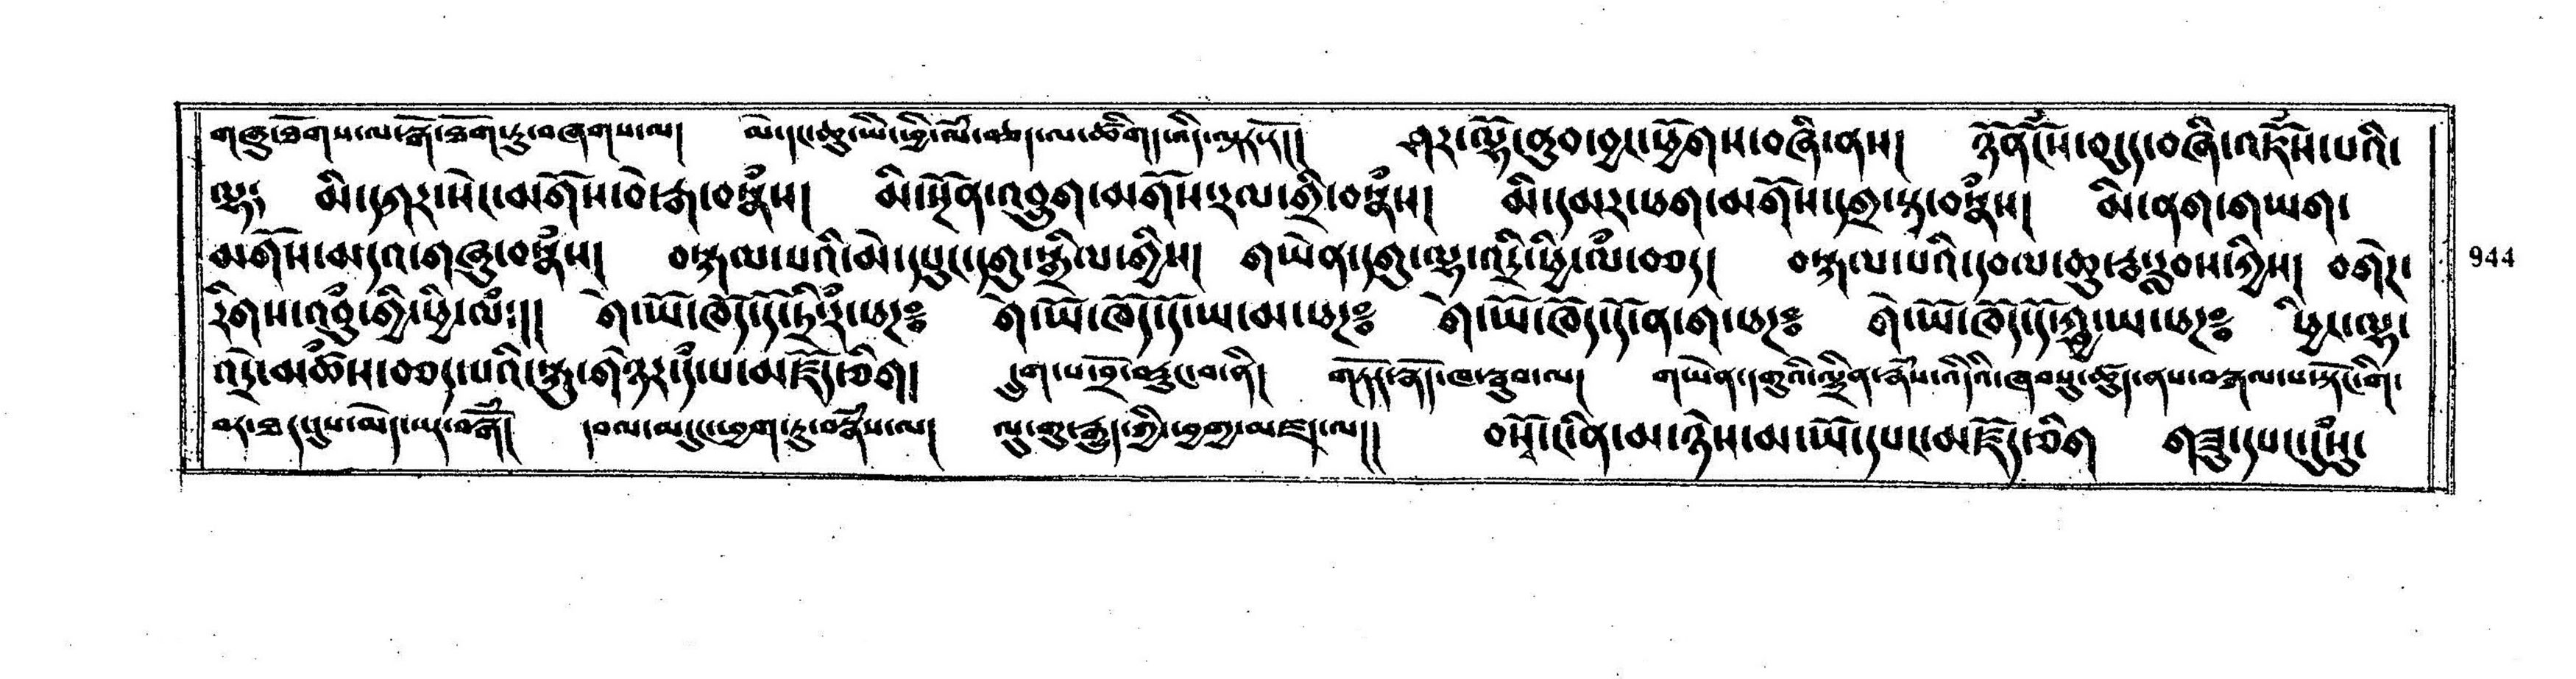གཞུ་ཐོགས་ལ་སྒོ་ཐོག་ཏུ་བཞག་ལ། མེ་དང་ཆུ་ཡི་ཕྱི་ལམ་བཅད་ལ་ཚིག་བཤད་འདི་ལྟར་རོ།། ཤར་ལྷོ་ནུབ་བྱང་ཕྱོགས་བཞི་ནས། ཉོན་མོངས་བདུད་བཞི་འཇོམས་པའི་
ལྷ། མི་དཀར་སེང་མགོས་བེ་རྒ་བསྣམས། མི་སྔོན་འབྲུག་མགོས་རལ་གྲི་བསྣམས། མི་དམར་ཕག་མགོས་དགྲ་སྟྭ་བསྣམས། མི་ནག་གཡག་
མགོས་མདའ་གཞུ་བསྣམས། བསྐལ་པའི་མེ་དཔུང་དགུ་སྒྲིལ་གྱིས། གཡེན་དགུ་ལྷ་འདྲེའི་ཕྱི་ལམ་བཅད། བསྐལ་པའི་དབལ་ཆུ་རྦ་རླབས་ཀྱིས། བགེགས་
རིགས་འབུམ་གྱི་ཕྱི་ལཾ༴།། གེ་ཡོ་ཁོད་དོ་ཏྲི་རཾ་ཕཊ༔ གེ་ཡོ་ཁོད་དོ་ཡ་མ་ཕཊ༔ གེ་ཡོ་ཁོད་དོ་ན་ག་ཕཊ༔ གེ་ཡོ་ཁོད་དོ་ཀྴྱ་ཡ་ཕཊ༔ ཕྱི་ནང་ལྷ་
འདྲེ་མཚམས་བཅད་པའི་སྐུ་གཉེར་དམ་པ་མཛོད་ཅིག དྲུག་པ་བྲོ་བརྡུང་བ་ནི། གཏོར་སྣོད་ཁ་སྦུབ་ལ། གཡེན་དགུའི་ལྷ་སྲིན་རྣམས་འདིའི་ཞབས་སུ་ཚུད་ནས་བསྐལ་པ་སྟོང་གི་
བར་ཐར་དུས་མེད་པར་བསྒོམ། དབལ་མདུང་ཕྱག་ཏུ་བསྣམས་ལ། ལུ་གུ་རྒྱུད་ཀྱི་ཕྱག་རྒྱ་མཛད་ལ།། བསྭོ་ང་ནི་མ་ཉེས་མ་ཡོ་དཔང་མཛོད་ཅིག གཟུ་དཔང་དུས་གསུམ་